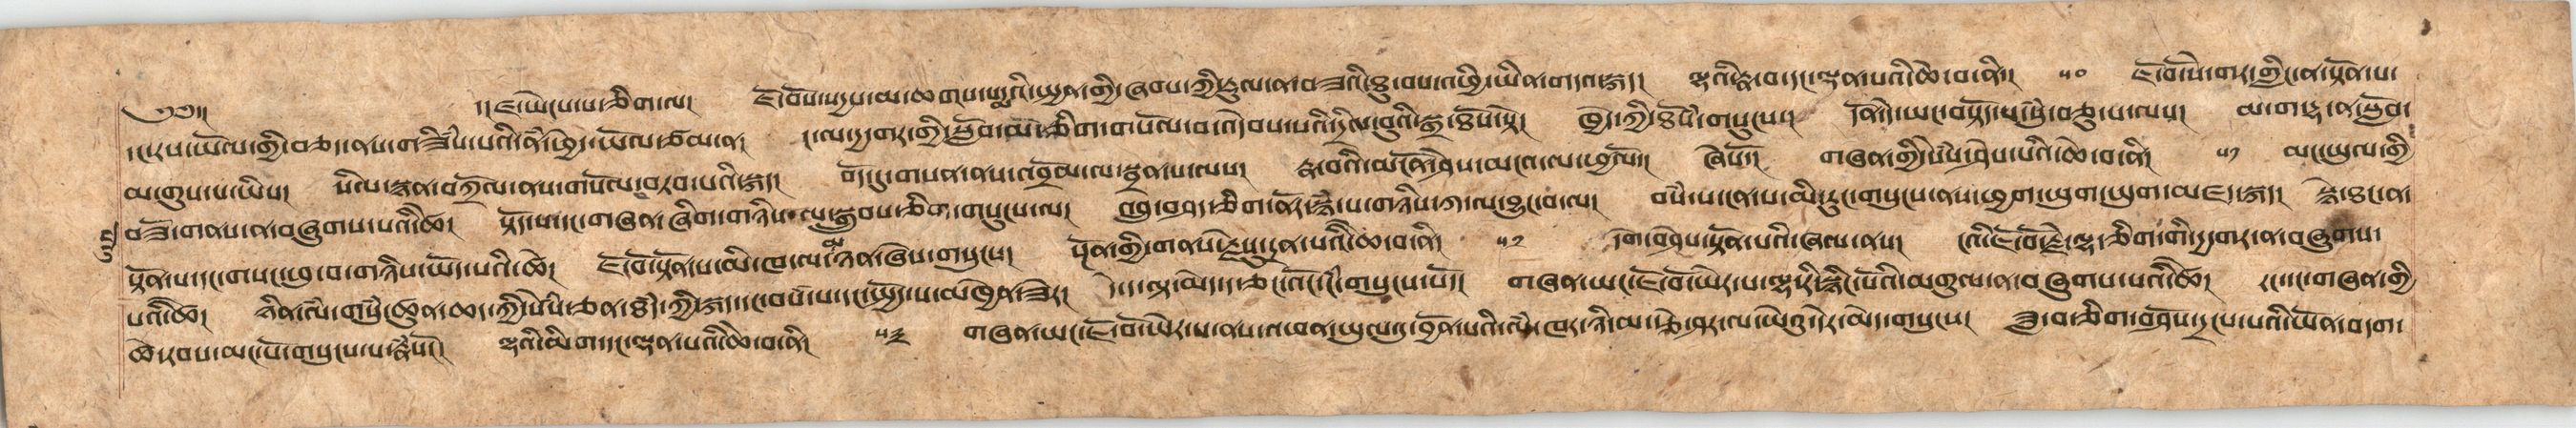་།ཛ་ཡེངས་པ་ཅིག་ལ། ཇོ་བོས་སདྱས་མ་ཆགས་པདྨའི་སྤྱན་གྱི་ཞབསཀྱི་རྡུལ་ན་བཟའི་ཐུ་བས་འཕྱི་ཡིན་གདའ་སྐད། ལྷའི་རྣ་བ་དང་ལྡན་པའི་ཆེ་བ་ནི། ༥༠ ཇོ་བོ་སེ་གར་གླིང་ན་སྟོན་པ་
དང་རས་ཡོལ་གྱི་བཅད་ནས་གཟིཾས་པའི་ནཾ་ཕྱེད་ཡོལ་ཙ་ན། ང་ལ་དྱ་གར་སློབ་མོ་ཅིག་གསོལ་བ་འདེབས་པའི་དྲིལ་བུའི་སྒྲ་ཐོས་སྟེ། ཁྱེད་ཀྱི་ཐོསཾ་གསུངས། དོན་དེ་ཡང་བསྟོད་པ་སུཾ་བཅུ་པ་ལས། མ་ག་དྷ་ན་སློབ་
མ་གུས་པ་ཡིས། སིལ་སྙན་བཀྲོལ་ནས་གསོལ་བ་བཏབ་པའི་སྐད། བོད་དུ་གསན་ནས་འབྲོམ་ལ་སྦྲན་པ་ལས། རྣ་བའི་མངོན་ཤེས་མངའ་ལ་ཕྱཚལོ་། ཞེསོ་། གཞན་གྱི་སེཾས་ཤེས་པའི་ཆེ་བ་ནི། ༥༡ མང་ཡུལ་གྱི
བཟོ་གནས་ན་བཞུགས་པའི་ཚེ། སྟོད་པ་དང་གཞན་ཞིག་གཉིས་ལ་སྒྲུབས་ཅིག་གསུངས་ལ། འབྲུ་བཤད་ཅིག་ནོར་སྙཾ་པ་གཉིས་ཀ་ལ་བྱུང་བ་ལ། བསཾ་པ་ངན་པ་མི་རུང་གསུངས་ནས་ཕྱག་ཡུག་ཡུག་མཛད་སྐད། སྙེ་ཐང་ན་
སྟོན་པ་དང་གསང་ཕུ་བ་གཉིས་ཡོད་པའི་ཚེ། ཇོ་བོ་སྟོན་པ་མི་ཁ་ལ་མ་ཉན་ཞེས་གསུངས། སྔོན་གྱི་གནས་རྗེསུ་དྲན་པའི་ཆེ་བ་ནི། ༥༢ དགེ་བཤེས་སྟོན་པའི་ཞལ་ནས། ངའི་ཇོ་བོ་རྗེ་ལྷ་ཅིག་གི་དྱ་གར་ན་བཞུགས་
པའི་ཚེ། ཉིན་ལཾ་གསུཾ་ཚུན་ཆད་ཀྱི་སེཾས་ཅན་ཐཾད་ཀྱི་སྐད་དང་བསཾ་པ་དང་སྤྱོད་པ་མཁྱེན་ཟེར། དེ་ད་ལྟ་མེད་ད་ཅང་འོང་ངཾ་གསུངས་སོ་། གཞན་ཡང་ཇོ་བོ་ཡེར་པ་ལྷ་རི་སྙིང་པོའི་མགུལ་ན་བཞུགས་པའི་ཚེ། རང་དང་གཞན་གྱི
ཚེ་རབས་མང་པོ་གསུངས་པ་རྣཾསོ། ལྷའི་མིག་དང་ལྡན་པའི་ཆེ་བ་ནི། ༥༣ གཞན་ཡང་ཇོ་བོ་ཡེར་པ་ནས་འཕན་ཡུལ་དུ་བྱོན་པའི་ལཾ་ཁར་ཉི་མ་རྩེ་ཤར་ལ་ཡེའུ་དེར་མེད་གསུངས། ཟླ་བ་ཅིག་བཤོས་དྲངས་པའི་ཡོན་བདག་